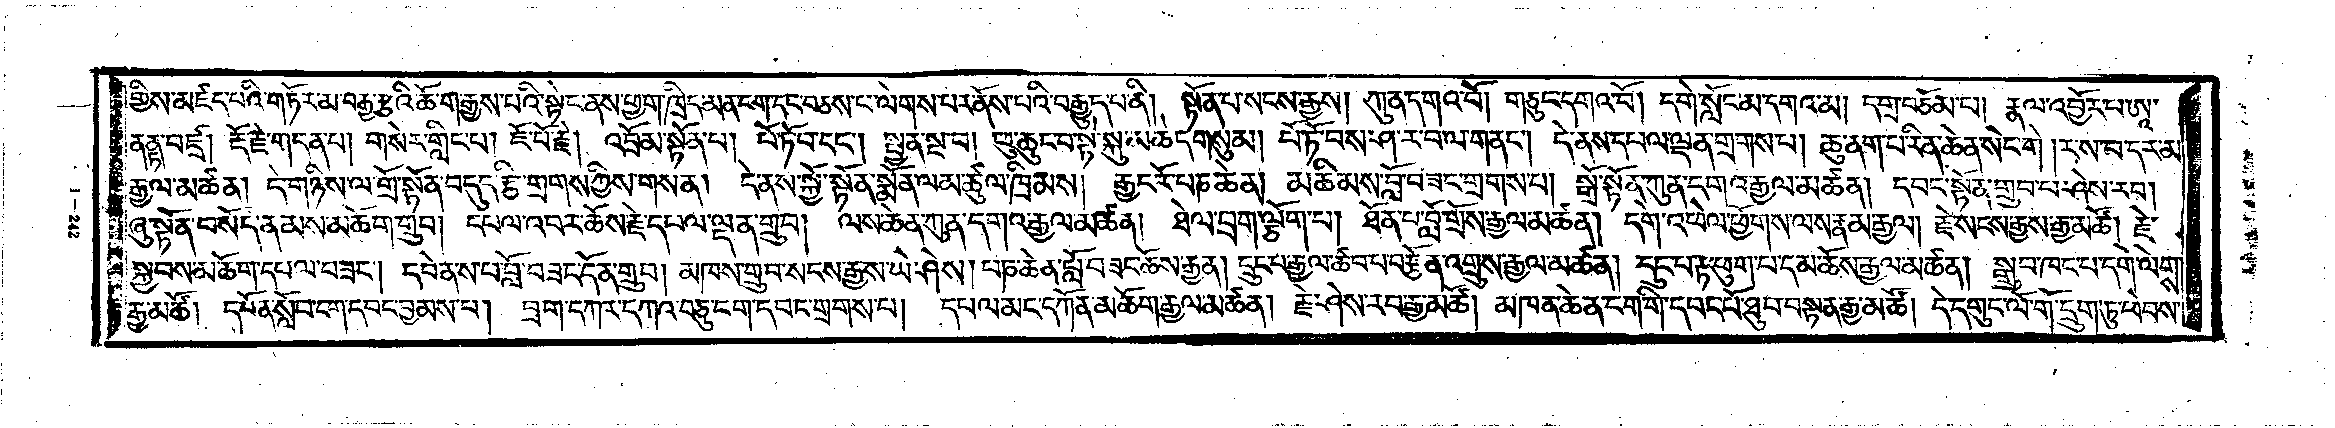གྱིས་མཛད་པའི་གཏོར་མ་བརྒྱ་རྩའི་ཆོ་ག་རྒྱས་པའི་སྟེང་ནས་ཕྱག་ཁྲིད་མན་ངག་དང་བཅས་ང་ལེགས་པར་ནོས་པའི་བརྒྱུད་པ་ནི། སྟོན་པ་སངས་རྒྱས། ཀུན་དགའ་བོ། གཅུང་དགའ་བོ། དགེ་སློང་མ་དགའ་མ། དགྲ་བཅོམ་པ། རྣལ་འབྱོར་པ་ཨཱ་
ནནྟ་བཛྲ། རྡོ་རྗེ་གདན་པ། གསེར་གླིང་པ། ཇོ་པོ་རྗེ། འབྲོམ་སྟོན་པ། པོ་ཏོ་བ་དང་། སྤྱན་སྔ་བ། ཕུ་ཆུང་བ་སྟེ་སྐུ་མཆེད་གསུམ། པོ་ཏོ་བས་ཤ་ར་བ་ལ་གནང་། དེ་ནས་དཔལ་ལྡན་གྲགས་པ། ཆུ་ནག་པ་རིན་ཆེན་སེང་གེ །ར་ས་བ་དར་མ་
རྒྱལ་མཚན། དེ་གཉིས་ལ་གྲོ་སྟོན་བདུད་རྩི་གྲགས་ཀྱིས་གསན། དེ་ནས་སྐྱོ་སྟོན་སྨོན་ལམ་ཚུལ་ཁྲིམས། རྒྱང་རོ་པཎ་ཆེན། མཆིམས་བློ་བཟང་གྲགས་པ། སྒྲོ་སྟོན་ཀུན་དགའ་རྒྱལ་མཚན། དབང་སྟོན་གྲུབ་པ་ཤེས་རབ།
ཞུ་སྟོན་བསོད་ནམས་མཆོག་གྲུབ། དཔལ་འབར་ཆོས་རྗེ་དཔལ་ལྡན་གྲུབ། ལས་ཆེན་ཀུན་དགའ་རྒྱལ་མཚན། ཐེལ་བྲག་ལྕོག་པ། ཐོན་པ་བློ་གྲོས་རྒྱལ་མཚན། དགེ་འཕེལ་ཕྱོགས་ལས་རྣམ་རྒྱལ། རྗེ་སངས་རྒྱས་རྒྱ་མཚོ། རྗེ་
སྐྱབས་མཆོག་དཔལ་བཟང་། དབེན་ས་པ་བློ་བཟང་དོན་གྲུབ། མཁས་གྲུབ་སངས་རྒྱས་ཡེ་ཤེས། པཎ་ཆེན་བློ་བཟང་ཆོས་རྒྱན། དྲུང་པ་རྒྱལ་ཚབ་པ་བརྩོན་འགྲུས་རྒྱལ་མཚན། དུང་པ་རྟ་ཕུག་པ་ད་མ་ཆོས་རྒྱལ་མཚན། སྒྲུབ་ཁང་པ་དགེ་ལེགས་
རྒྱ་མཚོ། དཔོན་སློབ་ངག་དབང་བྱམས་པ། བྲག་དཀར་དགའ་བཅུ་ངག་དབང་གྲགས་པ། དཔལ་མང་དཀོན་མཆོག་རྒྱལ་མཚན། རྗེ་ཤེས་རབ་རྒྱ་མཚོ། མཁན་ཆེན་ངག་གི་དབང་པོ་ཐུབ་བསྟན་རྒྱ་མཚོ། དེ་དགུང་ལོ་གོ་དྲུག་ཏུ་ཕེབས་